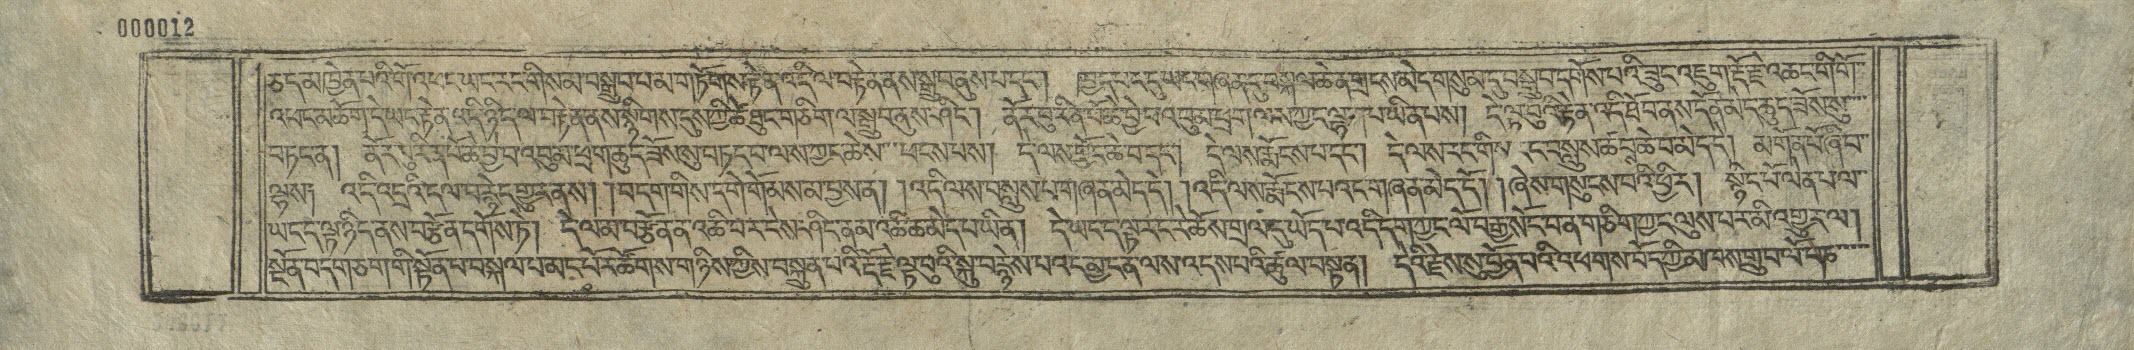ཅད་མཁྱེན་པའི་གོ་འཕང་ཡང་རང་གིས་མ་བསྒྲུབ་པ་མ་གཏོགས་རྟེན་འདི་ལ་བརྟེན་ནས་སྒྲུབ་ནུས་པ་དང་། ཁྱད་པར་དུ་ཡང་གཞན་དུ་བསྐལ་ཆེན་གྲངས་མེད་གསུམ་དུ་བསྒྲུབ་དགོས་པའི་ཟུང་འཇུག་རྡོ་རྗེ་འཆང་གི་གོ་
འཕང་མཆོག་དེ་ཡང་རྟེན་འདི་ཉིད་ལ་བརྟེན་ནས་སྙིགས་དུས་ཀྱི་ཚེ་ཐུང་གཅིག་ལ་སྒྲུབ་ནུས་ཤིང་། ནོར་བུ་རིན་པོ་ཆེ་བྱེ་བ་འབུམ་ཕྲག་ལས་ཀྱང་ལྷག་པ་ཡིན་པས། དེ་ལྟ་བུའི་རྟེན་འདི་ཐོབ་ནས་དོན་མེད་ཆུད་ཟོས་སུ་
བཏང་ན། ནོར་བུ་རིན་པོ་ཆེ་བྱེ་བ་འབུམ་ཕྲག་ཆུད་ཟོས་སུ་བཏང་བ་ལས་ཀྱང་ཆེས་ཕངས་པས། དེ་ལས་གྱོང་ཆེ་བ་དང་། དེ་ལས་རྨོངས་པ་དང་། དེ་ལས་རང་གིས་རང་བསླུས་ཚབས་ཆེ་བ་མེད་དེ། མགོན་པོ་ཞི་བ་
ལྷས༑ འདི་འདྲའི་དལ་བ་རྙེད་གྱུར་ནས། །བདག་གིས་དགེ་གོམས་མ་བྱས་ན། །འདི་ལས་བསླུས་པ་གཞན་མེད་དེ། །འདི་ལས་རྨོངས་པའང་གཞན་མེད་དོ། །ཞེས་གསུངས་པའི་ཕྱིར། སྙིང་པོ་ལེན་པ་ལ་
ཡང་ད་ལྟ་ཉིད་ནས་བརྩོན་དགོས་ཏེ། དེ་ལ་མ་བརྩོན་ན་འཆི་བར་ངེས་ཤིང་ནམ་འཆི་ཆ་མེད་པ་ཡིན། དེ་ཡང་ད་ལྟ་རང་རེ་ཆོས་གྲལ་དུ་ཡོད་པ་འདི་དག་ཀྱང་ལོ་བརྒྱ་སོང་བ་ན་གཅིག་ཀྱང་ལུས་པར་མི་འགྱུར་ལ།
སྔོན་བདག་ཅག་གི་སྟོན་པ་བསྐལ་པ་མང་པོར་ཚོགས་གཉིས་ཀྱིས་བསྐྲུན་པའི་རྡོ་རྗེ་ལྟ་བུའི་སྐུ་བརྙེས་པའང་མྱ་ངན་ལས་འདས་པའི་ཚུལ་བསྟན། དེའི་རྗེས་སུ་བྱོན་པའི་འཕགས་བོད་ཀྱི་མཁས་གྲུབ་ལོ་པཎ་